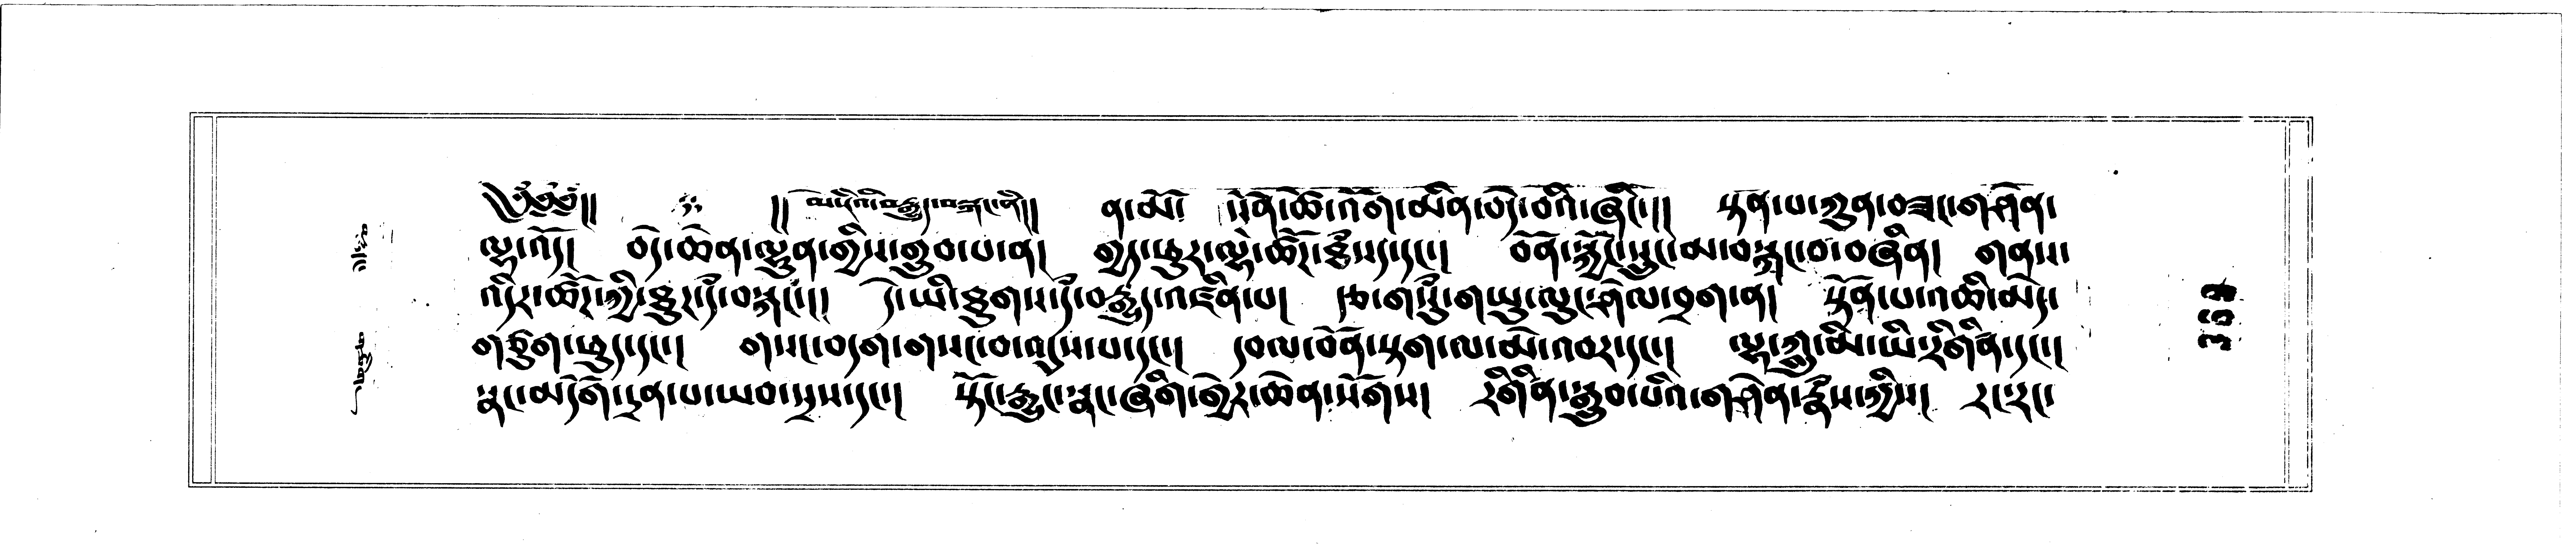༄༅།། །།མེ་རིའི་བརྒྱུད་བསྐང་ནི།། ན་མོ། སྔོན་ཚེ་འོག་མིན་བདེ་བའི་ཞིང་།། སྟོན་པ་ཀུན་བཟང་གཤེན་
ལྷ་འོད།། བདེ་ཆེན་ལྷུན་གྱིས་གྲུབ་པ་ན། གྱད་ཕུར་ལྷ་ཚོགས་ཐམས་ཅད་དང་། བོན་སྐྱོང་སྲུང་མ་བསྐང་བ་བཞིན། གནས་
འདིེར་ཚོགས་ཀྱི་ཐུགས་དམ་བསྐང་།། དེ་ཡི་ཐུགས་དམ་བརྒྱུད་འཛིན་པ། རྩ་གསུམ་གཡུ་ལུང་ཤེལ་བྲག་ན། སྟོན་པ་འཆི་མེད་
གཙུག་ཕུད་དང་། གསང་བདག་གསང་བ་འདུས་པ་དང་། དབལ་བོན་སྟག་ལ་མེ་འབར་དང་། ལྷ་ཀླུ་མི་ཡི་རིག་འཛིན་དང་། 
སྣང་མདོག་དྲན་པ་ཡབ་སྲས་དང་། སྟོང་རྒྱུང་སྣང་ཞིག་གྱེར་ཆེན་སོགས། རིག་འཛིན་སྒྲུབ་པའི་གཤེན་རྣམས་ཀྱིས། རང་རང་